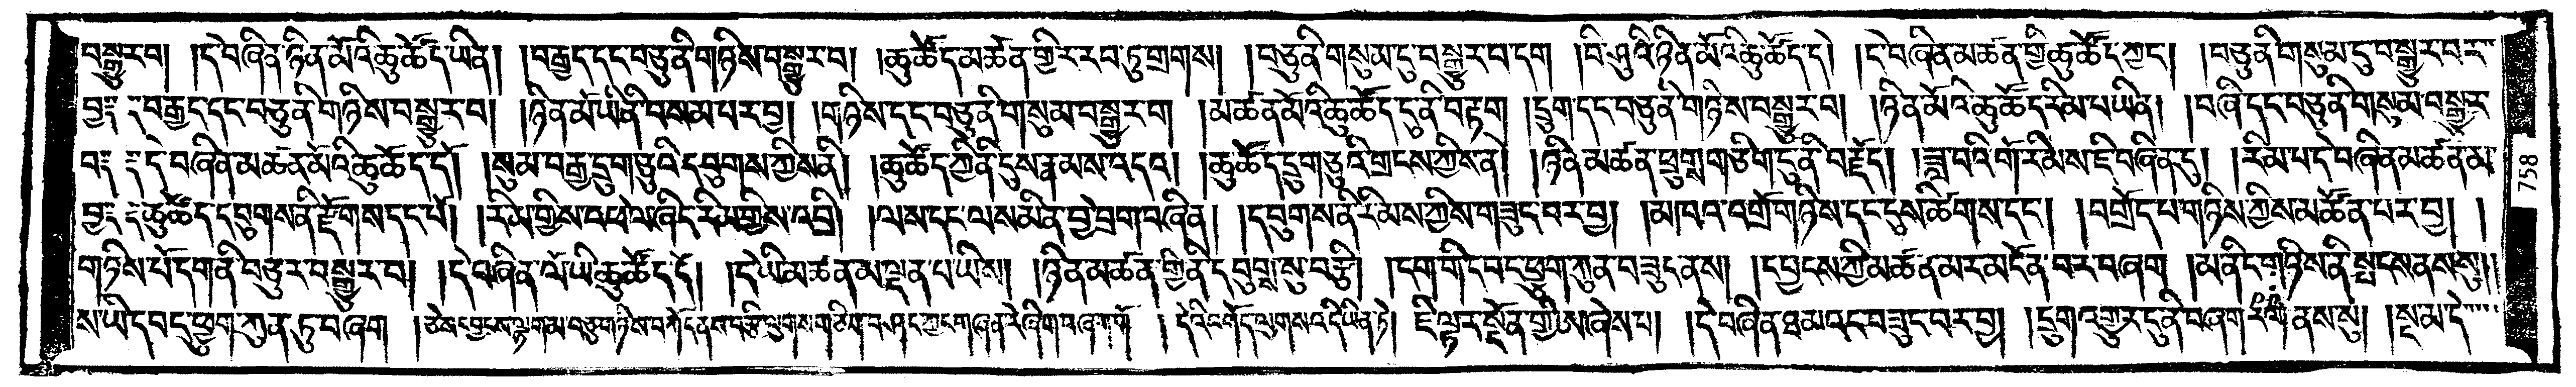བསྒྱུར་བ། །དེ་བཞིན་ཉིན་མོའི་ཆུ་ཚོད་ཡིན། །བརྒྱད་དང་བཅུ་ནི་གཉིས་བསྒྱུར་བ། །ཆུ་ཚོད་མཚན་གྱིར་རབ་ཏུ་གྲགས། །བཅུ་ནི་གསུམ་དུ་བསྒྱུར་བ་དག །བི་ཤུའི་ཉིན་མོའི་ཆུ་ཚོད་དེ། །དེ་བཞིན་མཚན་གྱི་ཆུ་ཚོད་ཀྱང་། །བཅུ་ནི་གསུམ་དུ་བསྒྱུར་བར་
བྱ༑ ༑བརྒྱད་དང་བཅུ་ནི་གཉིས་བསྒྱུར་བ། །ཉིན་མོ་ཡི་ནི་བསམ་པར་བྱ། །གཉིས་དང་བཅུ་ནི་གསུམ་བསྒྱུར་བ། །མཚན་མོའི་ཆུ་ཚོད་དུ་ནི་བརྟག །དྲུག་དང་བཅུ་ནི་གཉིས་བསྒྱུར་བ། །ཉིན་མོའི་ཆུ་ཚོད་རིམ་པ་ཡིན། །བཞི་དང་བཅུ་ནི་གསུམ་བསྒྱུར་
བ༑ ༑དེ་བཞིན་མཚན་མོའི་ཆུ་ཚོད་དོ། །སུམ་བརྒྱ་དྲུག་ཅུའི་དབུགས་ཀྱིས་ནི། །ཆུ་ཚོད་ཀྱི་ནི་དུས་རྣམས་འདའ། །ཆུ་ཚོད་དྲུག་ཅུའི་གྲངས་ཀྱིས་ནི། །ཉིན་མཚན་ཕྲུགས་གཅིག་དུ་ནི་བརྗོད། །ཟླ་བའི་གོ་རིམས་ཇི་བཞིན་དུ། །རིམ་པ་དེ་བཞིན་མཚན་མ་
བྱ༑ ༑ཆུ་ཚོད་དབུགས་ནི་རྫོགས་དང་པོ། །རིམ་གྱིས་འཕེལ་ཞིང་རིམ་གྱིས་འབྲི། །ལས་དང་ལས་མིན་བྱེ་བྲག་བཞིན། །དབུགས་ནི་རིམས་ཀྱིས་གཟུང་བར་བྱ། །མཁའ་འགྲོ་གཉིས་དང་དུས་ཚིགས་དང་། །བགྲོད་པ་གཉིས་ཀྱིས་མཚོན་པར་བྱ། །
གཉིས་པོ་དག་ནི་བཅུར་བསྒྱུར་བ། །དེ་བཞིན་ལོ་ཡི་ཆུ་ཚོད་དོ། །དེ་ཡི་མཚན་མ་ལྡན་པ་ཡིས། །ཉིན་མཚན་གྱི་ནི་དབུགས་སུ་བརྩི། །ངག་གི་དབང་ཕྱུག་ཀུན་བཟུང་ནས། །དཔྱངས་ཀྱི་མཚན་མར་མངོན་བར་བཞག །མ་ནིང་གཉིས་ནི་སྤངས་ནས་སུ།།
ས་ཡི་དབང་ཕྱུག་ཀུན་ཏུ་བཞག་།ཅེས་དབྱངས་ལྷག་མ་བཅུ་གཉིས་བཀོད་ནས་བརྩི་ལུགས་གཅིག་བཤད་ཀྱང་གཞན་རེ་ཞིག་བཞག་གོ །དེའི་འགོད་ལུགས་འདི་ཡིན་ཏེ།  ཇི་ལྟར་སྔོན་གྱི་ཨ་ཞེས་པ། །དེ་བཞིན་ཐ་མའང་བཟུང་བར་བྱ། །དྲུག་འགྱུར་དུ་ནི་བཞག་རྀཾ?་གནས་སུ། །སྔ་མ་དེ་